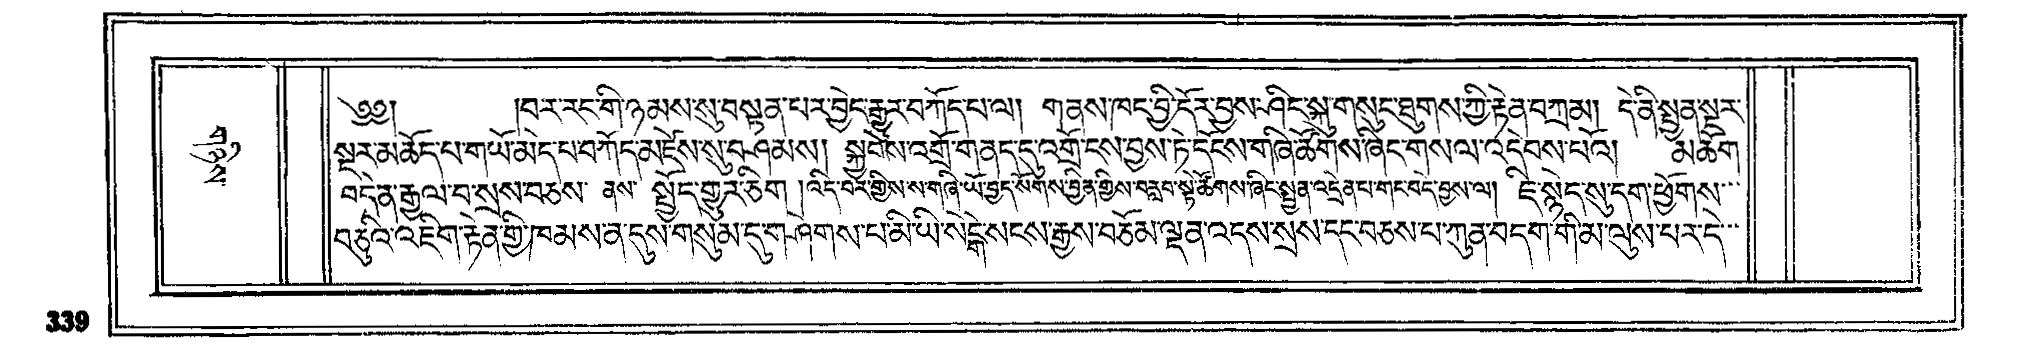༄༅། །བར་རང་གི་ཉམས་སུ་བསྟན་པར་བྱེད་རྒྱུར་བཀོད་པ་ལ། གནས་ཁང་བྱི་དོར་བྱས་ཤིང་སྐུ་གསུང་ཐུགས་ཀྱི་རྟེན་བཀྲམ། དེ་ནི་སྤྱན་སྔར་
སྔར་མཆོད་པ་གཡོ་མེད་པ་བཀོད་མཛེས་སུ་བཤམས། སྐྱབས་འགྲོ་གནད་དུ་འགྲོ་ངས་བྱས་ཏེ་དངོས་གཞི་ཚོགས་ཞིང་གསལ་འདེབས་པའོ། མཆོག་
བདེན་རྒྱལ་བ་སྲས་བཅས་ནས་སྤྱོད་གྱུར་ཅིག་།འདི་བར་གྱིས་ས་གཞི་ཡོ་བྱད་སོགས་བྱིན་གྱིས་བརླབ་སྟེ་ཚོགས་ཞིང་སྤྱན་འདྲེན་པ་གང་བདེ་བྱས་ལ།  ཇི་སྙེད་སུ་དག་ཕྱོགས་
བཅུའི་འཇིག་རྟེན་གྱི་ཁམས་ན་དུས་གསུམ་དུ་གཤེགས་པ་མི་ཡི་སེངྒེ་སངས་རྒྱས་བཅོམ་ལྡན་འདས་སྲས་དང་བཅས་པ་ཀུན་བདག་གི་མ་ལུས་པར་དེ་